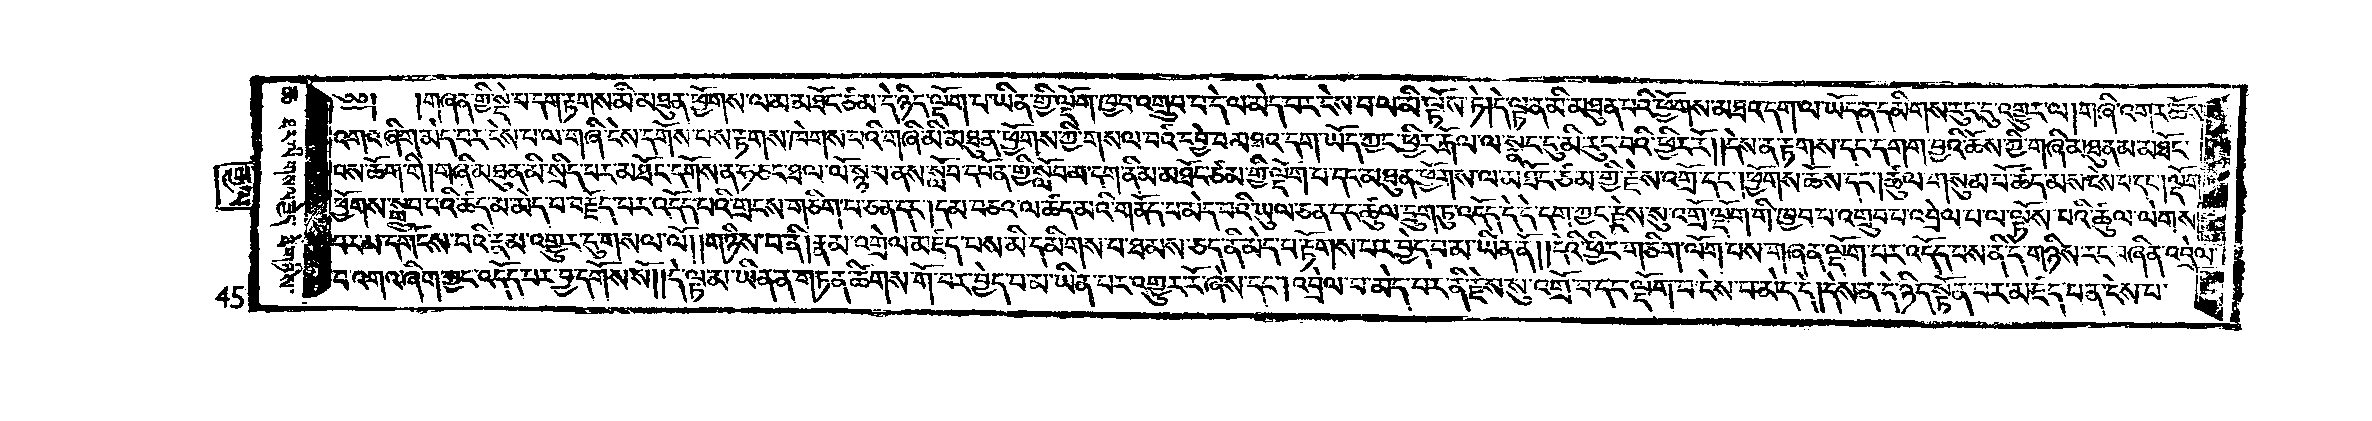༄༅། །གཞན་གྱི་སྡེ་པ་དག་རྟགས་མི་མཐུན་ཕྱོགས་ལ་མ་མཐོང་ཙམ་དེ་ཉིད་ལྡོག་པ་ཡིན་གྱི་ལྡོག་ཁྱབ་འགྲུབ་པ་དེ་ལ་མེད་པར་ངེས་པ་ལ་མི་ལྟོས་ཏེ། དེ་ལྟ་ན་མི་མཐུན་པའི་ཕྱོགས་མཐའ་དག་ལ་ཡོད་ན་དམིགས་རུང་དུ་འགྱུར་ལ། གཞི་འགར་ཆོས་
འགའ་ཞིག་མེད་པར་ངེས་པ་ལ་གཞི་ངེས་དགོས་པས་རྟགས་ཁེགས་པའི་གཞི་མི་མཐུན་ཕྱོགས་ཀྱི་གསལ་བའི་དབྱེ་བ་མཐའ་དག་ཡོད་ཀྱང་ཕྱིར་རྒོལ་ལ་སྣང་དུ་མི་རུང་བའི་ཕྱིར་རོ། །དེས་ན་རྟགས་དང་དགག་བྱའི་ཆོས་ཀྱི་གཞི་མཐུན་མ་མཐོང་
བས་ཆོག་གི། གཞི་མཐུན་མི་སྲིད་པར་མཐོང་དགོས་ན་ཧ་ཅང་ཐལ་ལོ་སྙམ་ནས་སློབ་དཔོན་གྱི་སློབ་མ་དག་ནི་མ་མཐོང་ཙམ་གྱི་ལྡོག་པ་དང་མཐུན་ཕྱོགས་ལ་མཐོང་ཙམ་གྱི་རྗེས་འགྲོ་དང་། ཕྱོགས་ཆོས་དང་། ཚུལ་གསུམ་པོ་ཚད་མས་ངེས་པ་དང་། ལྡོག་
ཕྱོགས་སྒྲུབ་པའི་ཚད་མ་མེད་པ་བརྗོད་པར་འདོད་པའི་གྲངས་གཅིག་པ་ཅན་དང་། དམ་བཅའ་ལ་ཚད་མའི་གནོད་པ་མེད་པའི་ཡུལ་ཅན་དང་ཚུལ་དྲུག་ཏུ་འདོད་དེ་དེ་དག་ཀྱང་རྗེས་སུ་འགྲོ་ལྡོག་གི་ཁྱབ་པ་འགྲུབ་པ་འབྲེལ་པ་ལ་ལྟོས་པའི་ཚུལ་ལེགས་
པར་མ་དགོངས་པའི་རྣམ་འགྱུར་དུ་གསལ་ལོ། །གཉིས་པ་ནི། རྣམ་འགྲེལ་མཛད་པས་མི་དམིགས་པ་ཐམས་ཅད་ནི་མེད་པ་རྟོགས་པར་བྱེད་པ་མ་ཡིན་ནོ། །དེའི་ཕྱིར་གཅིག་ལོག་པས་གཞན་ལྡོག་པར་འདོད་པས་ནི་དེ་གཉིས་རང་བཞིན་འབྲེལ་
བ་འགའ་ཞིག་ཀྱང་འདོད་པར་བྱ་དགོས་སོ། །དེ་ལྟ་མ་ཡིན་ན་གཏན་ཚིགས་གོ་བར་བྱེད་པ་མ་ཡིན་པར་འགྱུར་རོ་ཞེས་དང་། འབྲེལ་བ་མེད་པར་ནི་རྗེས་སུ་འགྲོ་བ་དང་ལྡོག་པ་ངེས་པ་མེད་དེ། དེས་ན་དེ་ཉིད་སྟོན་པར་མཛད་པ་ན་ངེས་པ་